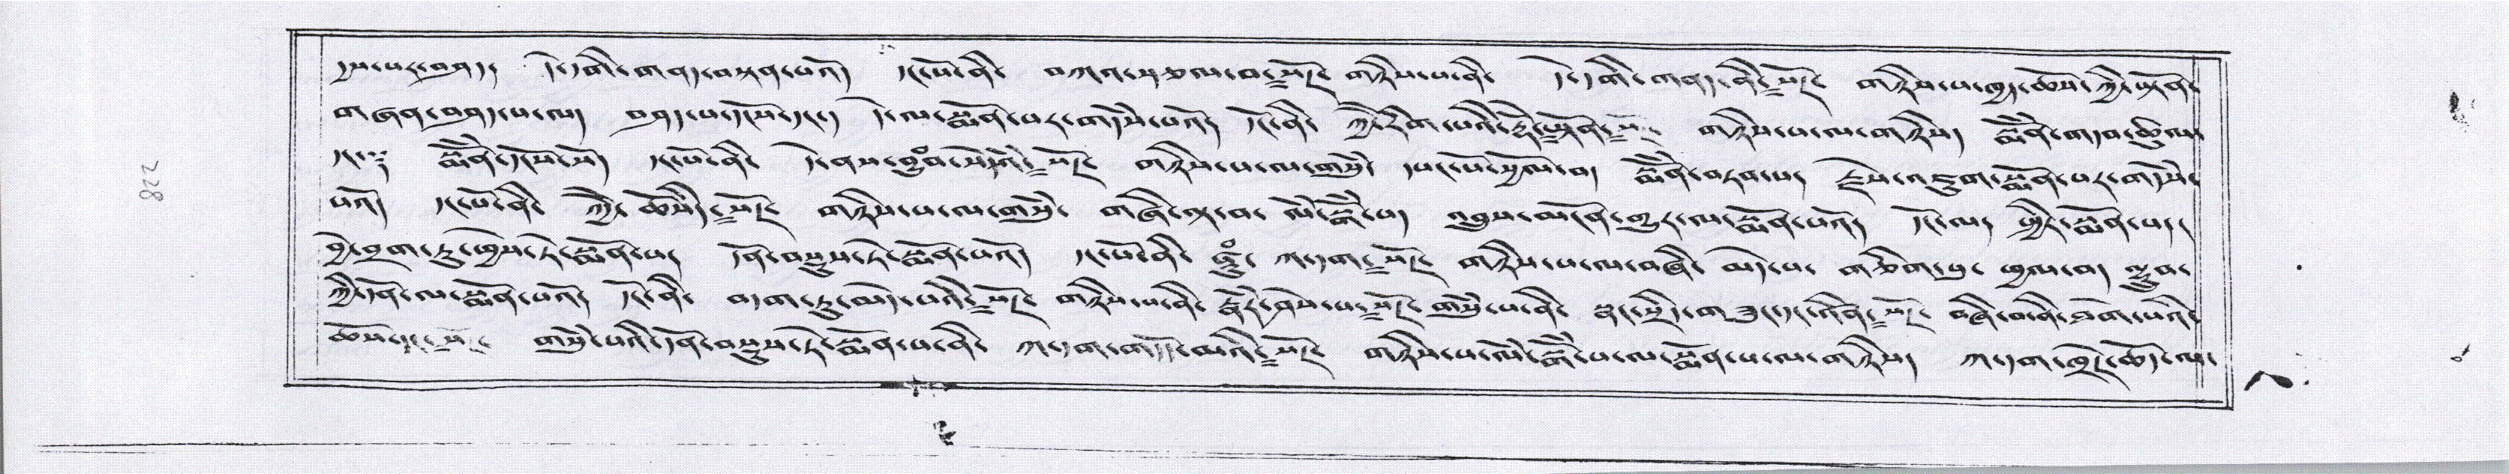རྒྱས་པར་བཤད། དེ་དག་གི་གནད་བསྟན་པའོ། དང་པོ་ནི། བཀའ་སྩལ་བ་སོགས། གཉིས་པ་ནི། དེ་དག་གི་གནད་ནི་སོགས། གཉིས་པ་ཁྱད་ཆོས་ཀྱི་ཡོན་ཏན་
གཞན་བཤད་པ་ལ། བཤད་པ་དངོས་དང། དེ་ལ་སྨོན་པར་གདམས་པའོ། དང་པོ་ནི། ཀྱཻ་རིག་པའི་རྡོ་རྗེ་སྟོན་སོགས། གཉིས་པ་ལ་གཉིས། སྨོན་ལམ་གདབ་ཚུལ་
དང། སྨོན་ལམ་དངོས་སོ། དང་པོ་ནི། དེ་ནས་བྱང་ཆུབ་སེམས་དཔའ་འམ་སོགས། གཉིས་པ་ལ་གསུམ། དཔང་པོ་གསོལ་བ། སྨོན་ལམ་བཏབ་པ། རྗེས་འཇུག་སྨོན་པར་གདམས་
པའོ། དང་པོ་ནི། ཀྱཻ་ཆོས་ཉིད་སོགས། གཉིས་པ་ལ་གསུམ། གཞི་ལྟ་བ། ལམ་སྒོམ་པ། འབྲས་བུ་མངོན་གྱུར་ལ་སྨོན་པའོ། དང་པོ་ལ། སྤྱིར་སྨོན་པ། 
བྱེ་བྲག་ཏུ་ཕྱེས་ཏེ་སྨོན་པ། དོན་བསྡུས་ཏེ་སྨོན་པའོ། དང་པོ་ནི། ཧཱུཾ། ཀ་དག་སོགས། གཉིས་པ་ལ་བཞི། མེད་པ། གཅིག་པུ། ཕྱལ་བ། ལྷུན་གྲུབ་
ཀྱི་དོན་ལ་སྨོན་པའོ། དང་པོ་ནི། བདག་ཏུ་མེད་པའི་སོགས། གཉིས་པ་ནི། རྣམ་པར་ཤེས་པ་སོགས། གསུམ་པ་ནི། སྣང་སྲིད་གཟུང་དང་འཛིན་སོགས། བཞི་པ་ནི་ཐེག་པའི་
ཆོས་དང་སོགས། གསུམ་པའི་དོན་བསྡུས་ཏེ་སྨོན་པ་ནི། ཀ་དག་གདོད་མའི་སོགས། གཉིས་པ་ལམ་སྒོམ་པ་ལ་སྨོན་པ་ལ་གཉིས། ཀ་དག་ཁྲེགས་ཆོད་ལ་